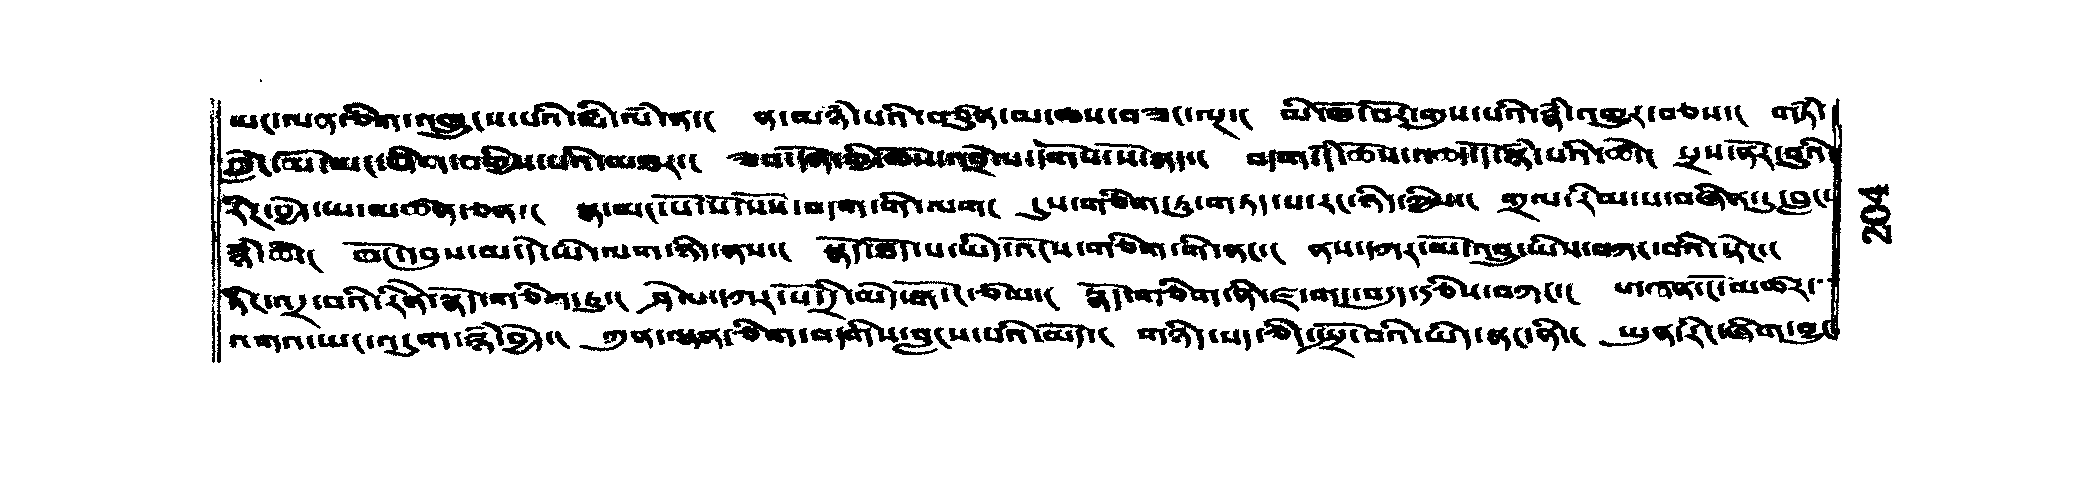ཡང་ལན་ཅིག་འཁྲུལ་པའི་རྨི་ལམ་ན། །ན་མཉམ་པའི་བཙུན་མ་ཆས་བཟང་ལྔ། །མི་ཁོ་བོར་གུས་པའི་རྣམ་འགྱུར་བཅས། །གཏམ་
གླེང་མོ་མང་ཞིག་བགྱིས་པའི་མཐར། །ཟབ་དོན་གྱི་ཆོས་འབྲེལ་དགོས་སོ་སྐད། །བདག་དམ་ཆོས་འཆད་དོ་སྙམ་པའི་ཚེ། །ཆས་ནོར་བུའི་
རིགས་བྱེད་ཡ་མཚན་ཅན། །སྣ་མང་པོ་སོ་སོས་བདག་གི་ལག །དུས་གཅིག་ཏུ་གཏད་པ་རང་ཉིད་ཀྱིས། །གྲལ་རིམ་པ་བཞིན་དུ་བླང་
སྙམ་ཆེ། །ཁོང་དབུས་མ་དེ་ཡི་ལག་ཉིད་ནས། །སྣོད་ཐོད་པ་ཡིད་འོང་གཅིག་གི་ནང་། །ནས་དཀར་མོ་འབྲུ་ཡིས་བཀང་བའི་སྟེང་། །
ཏིང་འདྲ་བའི་རིན་ཆེན་སྣོད་གཅིག་ཏུ། །ཤེལ་དཀར་པོ་དྲི་མེད་སྒོ་ང་ཙམ། །སྣོད་གཅིག་ནི་ཛ་གད་བདུད་རྩིས་བཀང་། །གཞན་ངོ་མཚར་
འགའ་ཡང་འདུག་སྙམ་བྱེད། །ཀུན་ལྷན་ཅིག་བདག་གིས་བླངས་པའི་མོད། །གཉིས་སད་ཅིང་སྤྲོ་བའི་ཡིད་སྣང་ནི། །ཡུན་རིང་ཞིག་བྱུང་